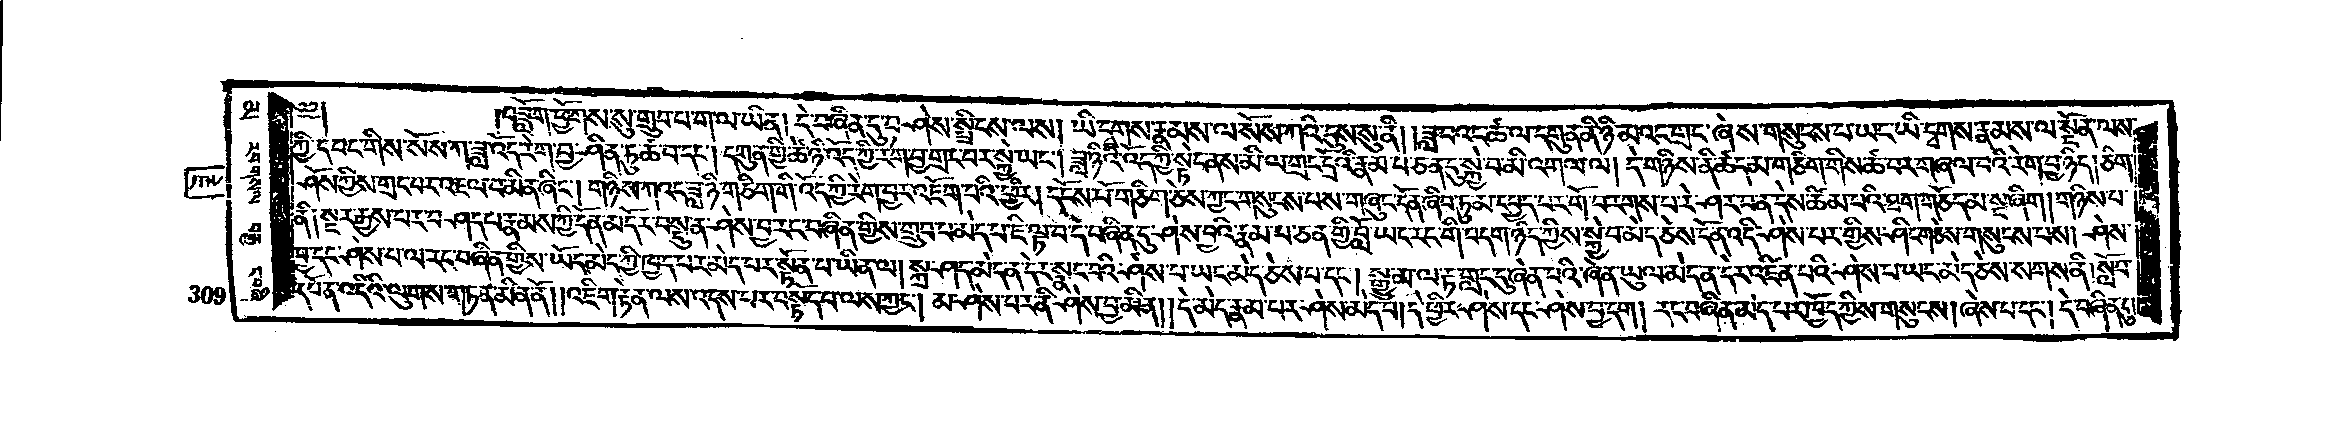༄༅། །བཟློག་ཕྱོགས་སུ་གྲུབ་པ་ག་ལ་ཡིན། དེ་བཞིན་དུ་བཤེས་སྤྲིངས་ལས། ཡི་དྭགས་རྣམས་ལ་སོས་ཀའི་དུས་སུ་ནི། །ཟླ་བའང་ཚ་ལ་དགུན་ནི་ཉི་མའང་གྲང་། ཞེས་གསུངས་པ་ཡང་ཡི་དྭགས་རྣམས་ལ་སྔོན་ལས་
ཀྱི་དབང་གིས་སོས་ཀ་ཟླ་འོད་རེག་བྱ་ཤིན་ཏུ་ཚ་བ་དང་། དགུན་གྱི་ཚེ་ཉི་འོད་ཀྱི་རིག་བྱ་གྲང་བར་སྐྱེ་ཡང་། ཟླ་ཉིའི་འོད་ཀྱི་སྟེང་ནས་མི་ལ་གྲང་དྲོའི་རྣམ་པ་ཅན་དུ་སྐྱེ་བ་མི་འགལ་ལ། དེ་གཉིས་ནི་ཚད་མ་གཅིག་གིས་ཚ་བར་གཞལ་བའི་རེག་བྱ་ཉིད། ཅིག་
ཤོས་ཀྱིས་གྲང་བར་འཇལ་བ་མིན་ཞིང་། གཉིས་ཀའང་ཟླ་ཉི་གཅིག་གི་འོད་ཀྱི་རེག་བྱར་འཇོག་པའི་ཕྱིར། དངོས་པོ་གཅིག་ཅེས་ཀྱང་གསུངས་པས་གཞུང་དོན་ཞིབ་ཏུ་མ་དཔྱད་པར་གོ་བ་རགས་པ་རེ་ཤར་བ་ན་དེས་ཚིམ་པའི་ཐག་གཅོད་མ་སྔ་ཞིག །གཉིས་པ་
ནི། སྔར་རྒྱས་པར་བཤད་པ་རྣམས་ཀྱི་དོན་མདོར་བསྡུ་ན་ཤེས་བྱ་རང་བཞིན་གྱིས་གྲུབ་པ་མེད་པ་ཇི་ལྟ་བ་དེ་བཞིན་དུ་ཤེས་བྱའི་རྣམ་པ་ཅན་གྱི་བློ་ཡང་རང་གི་བདག་ཉིད་ཀྱིས་སྐྱེ་བ་མེད་ཅེས་དོན་འདི་ཤེས་པར་གྱིས་ཤིང་གཅེས་གསུངས་པས། ཤེས་
བྱ་དང་ཤེས་པ་ལ་རང་བཞིན་གྱིས་ཡོད་མེད་ཀྱི་ཁྱད་པར་མེད་པར་སྟོན་པ་ཡིན་ལ། སྐྲ་ཤད་མེད་ན་དེར་སྣང་བའི་ཤེས་པ་ཡང་མེད་ཅེས་པ་དང་། སྒྱུ་མ་ལ་རྟ་གླང་དུ་ཞེན་པའི་ཞེན་ཡུལ་མེད་ན་དེར་འཛིན་པའི་ཤེས་པ་ཡང་མེད་ཅེས་སོགས་ནི། སློབ་
དཔོན་འདིའི་ལུགས་གཏན་མིན་ནོ། །འཇིག་རྟེན་ལས་འདས་པར་བསྟོད་པ་ལས་ཀྱང་། མ་ཤེས་པར་ནི་ཤེས་བྱ་མིན། །དེ་མེད་རྣམ་པར་ཤེས་མེད་པ། དེ་ཕྱིར་ཤེས་དང་ཤེས་བྱ་དག །རང་བཞིན་མེད་པར་ཁྱོད་ཀྱིས་གསུངས། ཞེས་པ་དང་། དེ་བཞིན་དུ།